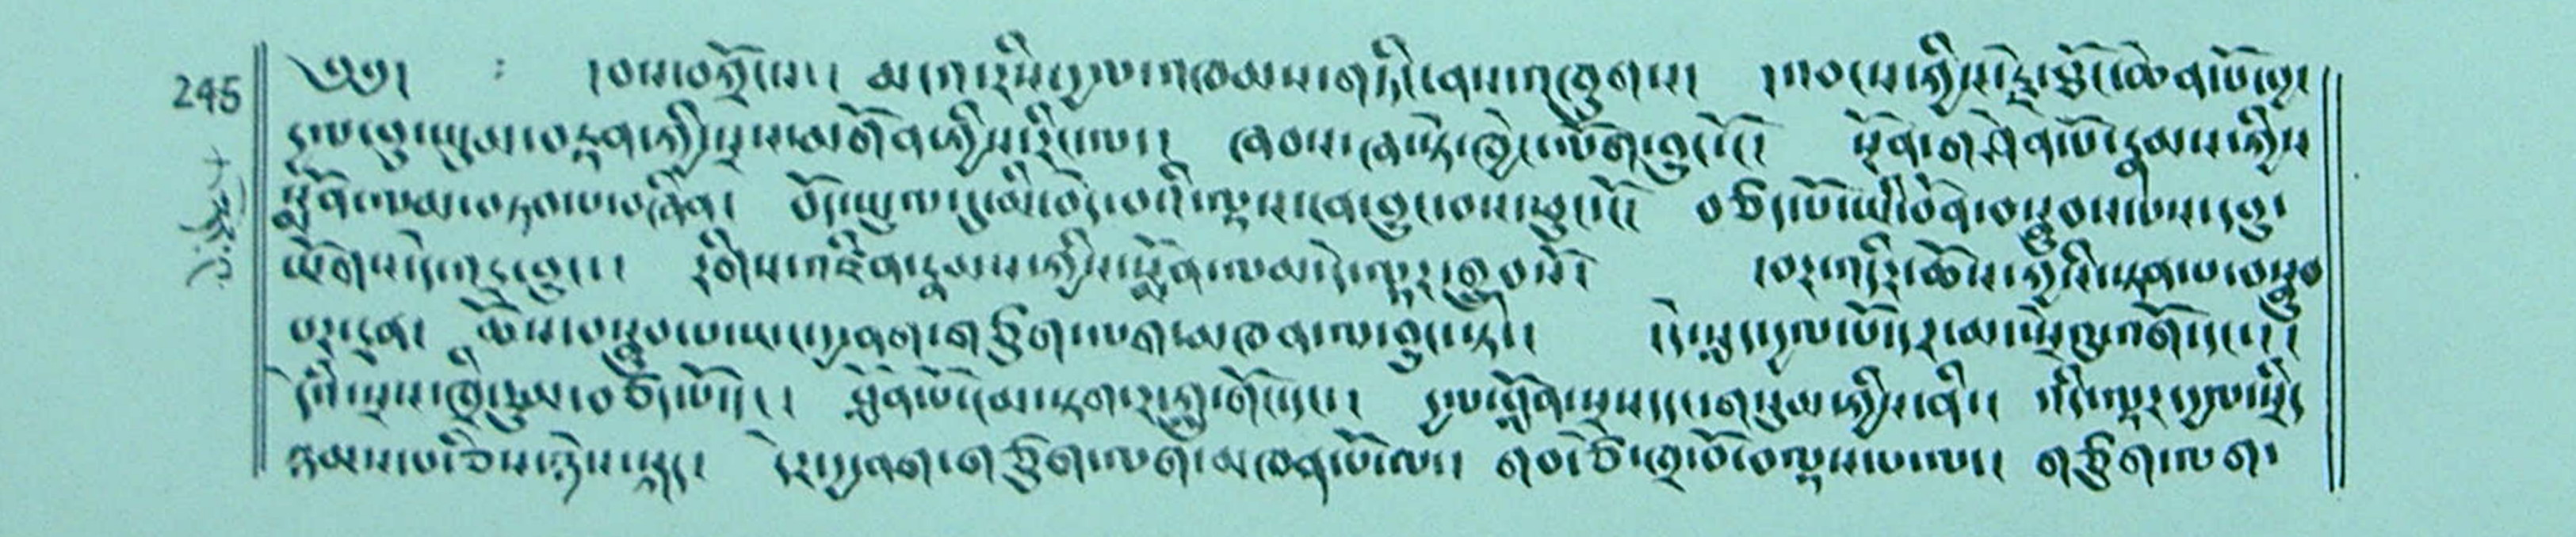༄༅། །བས་བཀྲོངས། མངའ་རིས་རྒྱལ་ཁམས་གཏིང་ནས་འཁྲུགས། འབངས་ཀྱིས་རྗེ་ཐོང་ཆེན་པོ་བྱ།
 རྒྱལ་བུ་ཡུམ་བརྟན་གྱི་སྲས་མགོན་གྱིས་རིང་ལ། ཞབས་ཞ་སྟེ་ཁྱེང་ལོག་བྱུང་ངོ་། །སྔོན་གཤེན་པོ་རྣམས་ཀྱིས་
སྨོན་ལམ་བཏབ་པ་བཞིན། བོད་ཡུལ་དུ་མི་བདེ་བའི་ལྟས་ངན་བྱུང་བ་ཕུང་ངོ་། །བཙད་པོ་ཡིས་བོན་བསྣུབས་པའི་དབུ་
ཡོག་དེ་འདྲ་བྱུང་། རིགས་འཛིན་རྣམས་ཀྱིས་སྨོན་ལམ་དེ་ལྟར་གྲུབས་སོ། །བར་འདིར་ཆོས་ཀྱི་བསྟན་པ་བསྣུབ་
པར་དྲན། ཆོས་བསྣུབ་པ་ཡང་རྒྱ་ནག་གཙུག་ལག་མཁན་ལ་བྱུང་སྟེ། དེ་སླད་རྒྱལ་བོ་དར་མ་སྤྲེའུ་མགོ་དང་། 
དེའི་སྲས་ཁྲི་རུམ་བཙད་པོ་དང་། བློན་པོ་ངམ་སྟག་ར་ཀླུ་གོང་དང་། རྒྱལ་བློན་སྲས་དང་གསུམ་གྱིས་ནི། འདི་ལྟར་རྒྱལ་སྲིད་
ཉམས་པ་ཅིས་ཉེས་སྐད། དེར་རྒྱ་ནག་གཙུག་ལག་མཁན་པོ་ལ། གབ་ཙེ་ཁྲ་བོ་བལྟས་པ་ལ། གཙུག་ལག་